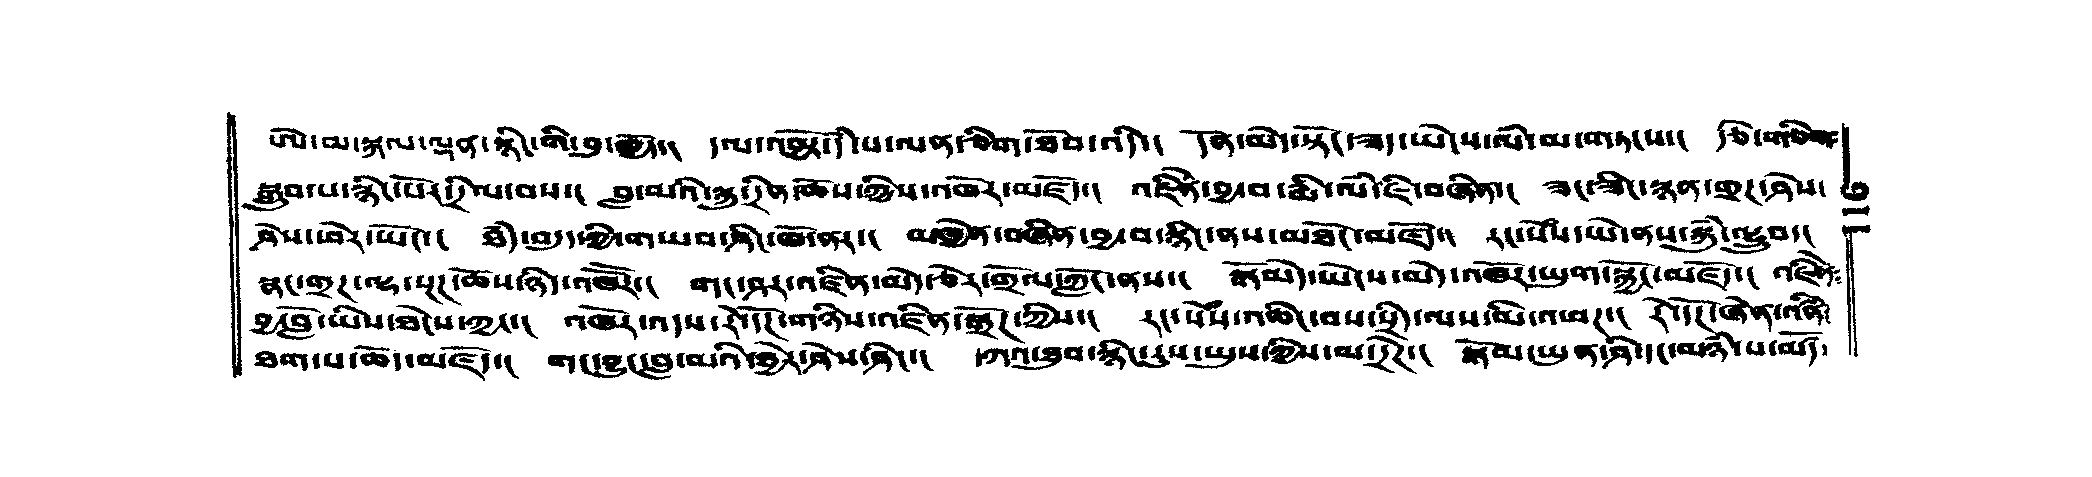༈ ཨེ་མ་སྐལ་ལྡན་སྙིང་གི་བུ་ཁྱོད། །དལ་འབྱོར་1$1000220དམ་པ་ལན་གཅིག་ཐོབ་འདི། །1$1000180དོན་མེད་སྟོང་ཟད་ཡེངས་ལམ་མ་གཏང་། །རྩེ་གཅིག་
སྒྲུབ་པ་སྙིང་པོར་དྲིལ་བས། །བླ་མའི་སྐུ་དྲིན་ཆོས་ཀྱིས་འཁོར་མཛོད། །འཇིག་རྟེན་བྱ་བ་རྨི་ལམ་ཇི་བཞིན། །ཟང་ཟིང་སྙན་གྲགས་ཤེས་
ཤེས་ཕེར་ཡོང་། །ཐམས་ཅད་བདུད་ཀྱི་གཡབ་ཤིང་ཁོ་ནར། །མཁྱེན་བཞིན་བྱ་བ་སྙིང་ནས་ཐོངས་མཛོད། །རང་སེམས་ཡེ་ནས་སྐུ་གསུམ་ལྷུན་གྲུབ། །
སྣང་གྲགས་ལྷ་སྔགས་ཆོས་ཉིད་འཁོར་ལོ། །གང་ཤར་འཛིན་མེད་ཅེར་གྲོལ་ཀློང་ནས། །སྒོམ་མེད་ཡེངས་མེད་འཁོར་ཡུག་སྐྱོང་མཛོད། །འཇིག་རྟེན་
བྱ་བ་བློ་ཡིས་ཐོངས་ཀྱང་། །འཁོར་འདས་རེ་དོགས་གཉིས་འཛིན་སྒྲོག་གིས། །རང་སེམས་འཆིང་བས་སྲིད་ལས་མི་འཕགས། །རེ་དོགས་ཞེན་འཛིན་
ཐག་པ་ཆོད་མཛོད། །གང་བྱུང་བླ་མའི་ཐུགས་རྗེར་ཤེས་ཤིང་། །དཀའ་ཐུབ་སྙིང་རུས་ཡུས་ཀྱིས་མ་དྲེགས། །སྒོམ་ཡུན་གཤིས་དང་མཉམ་པ་མཛོད་